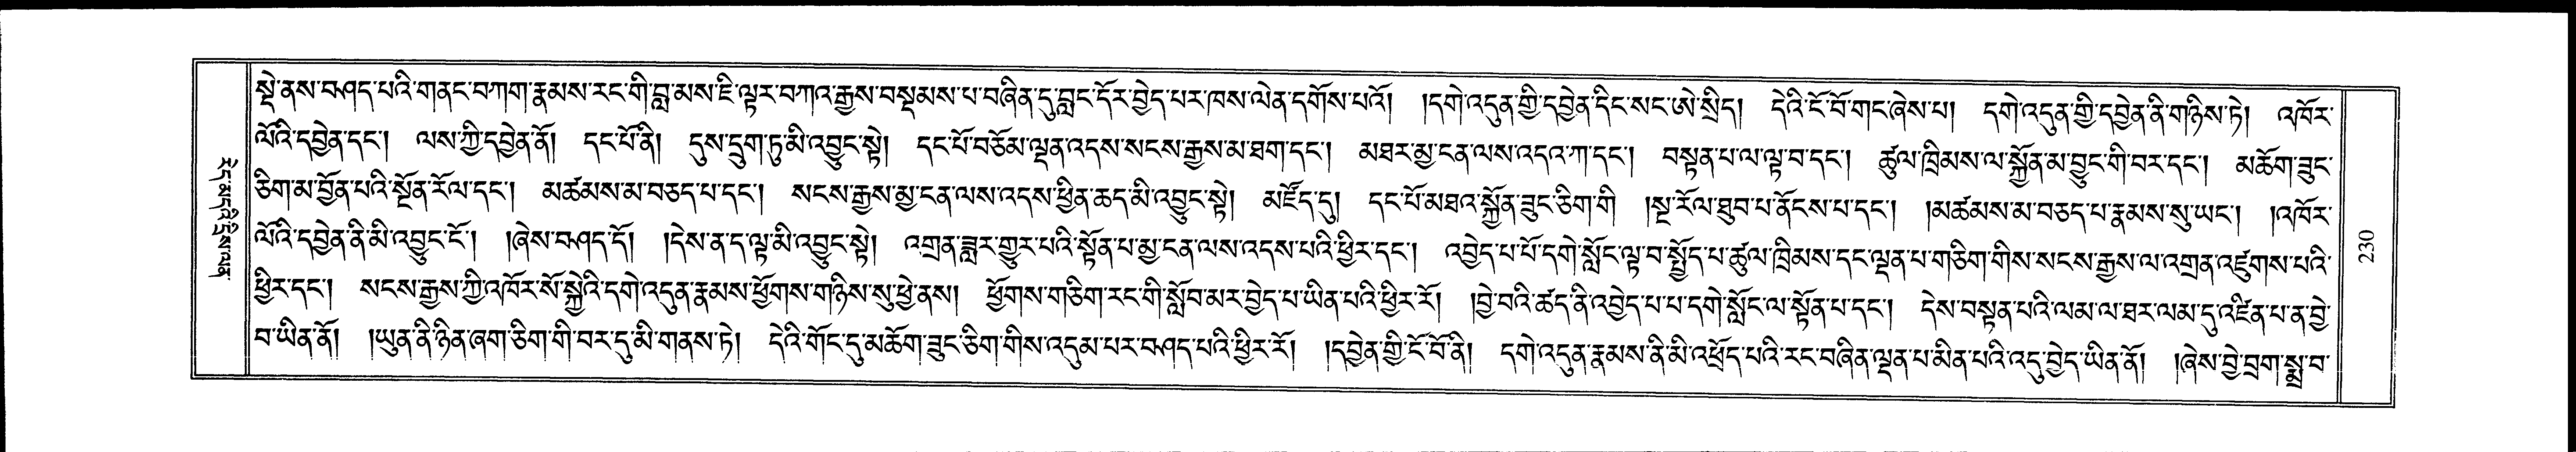སྡེ་ནས་བཤད་པའི་གནང་བཀག་རྣམས་རང་གི་བླ་མས་ཇི་ལྟར་བཀའ་རྒྱས་བསྡམས་པ་བཞིན་དུ་བླང་དོར་བྱེད་པར་ཁས་ལེན་དགོས་པའོ། །དགེ་འདུན་གྱི་དབྱེན་དིང་སང་ཨེ་སྲིད། དེའི་ངོ་བོ་གང་ཞེས་པ། དགེ་འདུན་གྱི་དབྱེན་ནི་གཉིས་ཏེ། འཁོར་
ལོའི་དབྱེན་དང་། ལས་ཀྱི་དབྱེན་ནོ། དང་པོ་ནི། དྲུས་དྲུག་ཏུ་མི་འབྱུང་སྟེ། དང་པོ་བཅོམ་ལྡན་འདས་སངས་རྒྱས་མ་ཐག་དང་། མཐར་མྱ་ངན་ལས་འདའ་ཀ་དང་། བསྟན་པ་ལ་ལྟ་བ་དང་། ཚུལ་ཁྲིམས་ལ་སྐྱོན་མ་བྱུང་གི་བར་དང་། མཆོག་ཟུང་
ཅིག་མ་བྱོན་པའི་སྔོན་རོལ་དང་། མཚམས་མ་བཅད་པ་དང་། སངས་རྒྱས་མྱ་ངན་ལས་འདས་ཕྱིན་ཆད་མི་འབྱུང་སྟེ། མཛོད་དུ། དང་པོ་མཐའ་སྐྱོན་ཟུང་ཅིག་གི །སྔ་རོལ་ཐུབ་པ་ནོངས་པ་དང་། །མཚམས་མ་བཅད་པ་རྣམས་སུ་ཡང་། །འཁོར་
ལོའི་དབྱེན་ནི་མི་འབྱུང་ངོ། །ཞེས་བཤད་དོ། །དེས་ན་ད་ལྟ་མི་འབྱུང་སྟེ། འགྲན་ཟླར་གྱུར་པའི་སྟོན་པ་མྱ་ངན་ལས་འདས་པའི་ཕྱིར་དང་། འབྱེད་པ་པོ་དགེ་སློང་ལྟ་བ་སྤྱོད་པ་ཚུལ་ཁྲིམས་དང་ལྡན་པ་གཅིག་གིས་སངས་རྒྱས་ལ་འགྲན་འཛུགས་པའི་
ཕྱིར་དང་། སངས་རྒྱས་ཀྱི་འཁོར་སོ་སྐྱེའི་དགེ་འདུན་རྣམས་ཕྱོགས་གཉིས་སུ་ཕྱེ་ནས། ཕྱོགས་གཅིག་རང་གི་སློབ་མར་བྱེད་པ་ཡིན་པའི་ཕྱིར་རོ། །བྱེ་བའི་ཚད་ནི་འབྱེད་པ་པ་དགེ་སློང་ལ་སྟོན་པ་དང་། དེས་བསྟན་པའི་ལམ་ལ་ཐར་ལམ་དུ་འཛིན་པ་ན་བྱེ་
བ་ཡིན་ནོ། །ཡུན་ནི་ཉིན་ཞག་ཅིག་གི་བར་དུ་མི་གནས་ཏེ། དེའི་གོང་དུ་མཆོག་ཟུང་ཅིག་གིས་འདུམ་པར་བཤད་པའི་ཕྱིར་རོ། །དབྱེན་གྱི་ངོ་བོ་ནི། དགེ་འདུན་རྣམས་ནི་མི་འཕྲོད་པའི་རང་བཞིན་ལྡན་པ་མིན་པའི་འདུ་བྱེད་ཡིན་ནོ། །ཞེས་བྱེ་བྲག་སྨྲ་བ་
བཞིན་ལྡན་པ་མིན་པའི་འདུ་བྱེད་ཡིན་ནོ། །ཞེས་བྱེ་བྲག་སྨྲ་བ་བཞིན་ལྡན་པ་མིན་པའི་འདུ་བྱེད་ཡིན་ནོ། །ཞེས་བྱེ་བྲག་སྨྲ་བ་